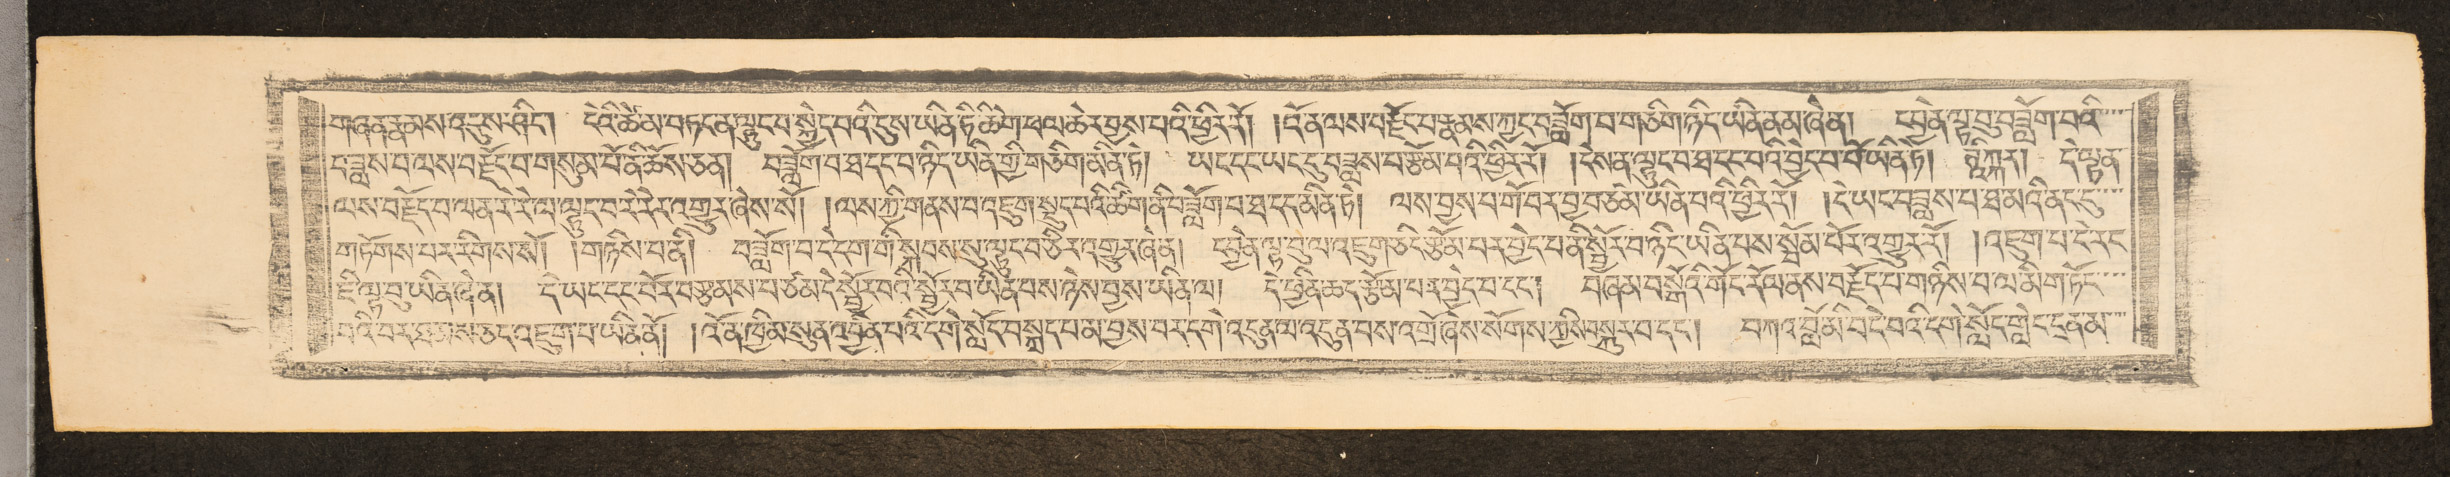གཞན་རྣམས་འདུས་ཤིང་། དེའི་ཚེ་མ་བཏང་ན་ལྟུང་བ་སྐྱེད་པའི་དུས་ཡིན་ཏེ་ཚིག་ཕལ་ཆེར་བྱས་པའི་ཕྱིར་རོ། །འོ་ན་ལས་བརྗོད་པ་རྣམས་ཀྱང་བཟློག་པ་གཅིག་ཉིད་ཡིན་ནམ་ཞེ་ན། དབྱེན་ལྟ་བུ་བཟློག་པའི་
བཟླས་པ་ལས་བརྗོད་པ་གསུམ་པོ་ནི་ཆོས་ཅན། བཟློག་པ་ཐ་དད་པ་ཉིད་ཡིན་གྱི་གཅིག་མིན་ཏེ། ཡང་དང་ཡང་དུ་བཟླས་པ་རྩོམ་པའི་ཕྱིར་རོ། །དེས་ན་ལྟུང་བ་ཐ་དད་པའི་བྱེད་པ་པོ་ཡིན་ཏེ། ཊཱིཀྐར། དེ་ལྟ་ན་
ལས་བརྗོད་པ་ལན་རེ་རེ་ལ་ལྟུང་བ་རེ་རེར་འགྱུར་ཞེས་སོ། །ལས་ཀྱི་གནས་པ་འཇུག་སྡུད་པའི་ཚིག་ནི་བཟློག་པ་ཐ་དད་མིན་ཏེ། ལས་བྱས་པ་གོ་བར་བྱ་བ་ཙམ་ཡིན་པའི་ཕྱིར་རོ། །དེ་ཡང་བཟླས་པ་ཐ་མའི་ནང་དུ་
གཏོགས་པར་རིགས་སོ། །གཉིས་པ་ནི། བཟློག་པ་དེ་དག་གི་སྐབས་སུ་ལྟུང་བ་ཅིར་འགྱུར་ཞེ་ན། དབྱེན་ལྟ་བུ་ལ་འཇུག་ཅིང་རྩོམ་པར་བྱེད་པ་ནི་སྦྱོར་བ་ཉིད་ཡིན་པས་སྦོམ་པོར་འགྱུར་རོ། །འཇུག་པ་དེ་རང་
ཇི་ལྟ་བུ་ཡིན་ཞེ་ན། དེ་ཡང་དང་པོར་བརྩམས་པ་ཙམ་དེ་སྦྱོར་བའི་སྦྱོར་བ་ཡིན་པས་ཉེས་བྱས་ཡིན་ལ། དེ་ཕྱིན་ཆད་རྩོམ་པར་བྱེད་པ་དང་། བཞམ་བསྒོའི་གོང་རོལ་ནས་བརྗོད་པ་གཉིས་པ་ལ་མི་གཏོང་
བའི་བར་ཐམས་ཅད་འཇུག་པ་ཡིན་ནོ། །འོ་ན་ཁྱིམ་སུན་འབྱིན་པའི་དགེ་སློང་བསྐྲད་པ་མ་བྱས་པར་དགེ་འདུན་ལ་འདུན་པས་འགྲོ་ཞེས་སོགས་ཀྱིས་བསྐུར་བ་དང་། བཀའ་བློ་མི་བདེ་བའི་དགེ་སློང་གླེང་དྲན་མ་